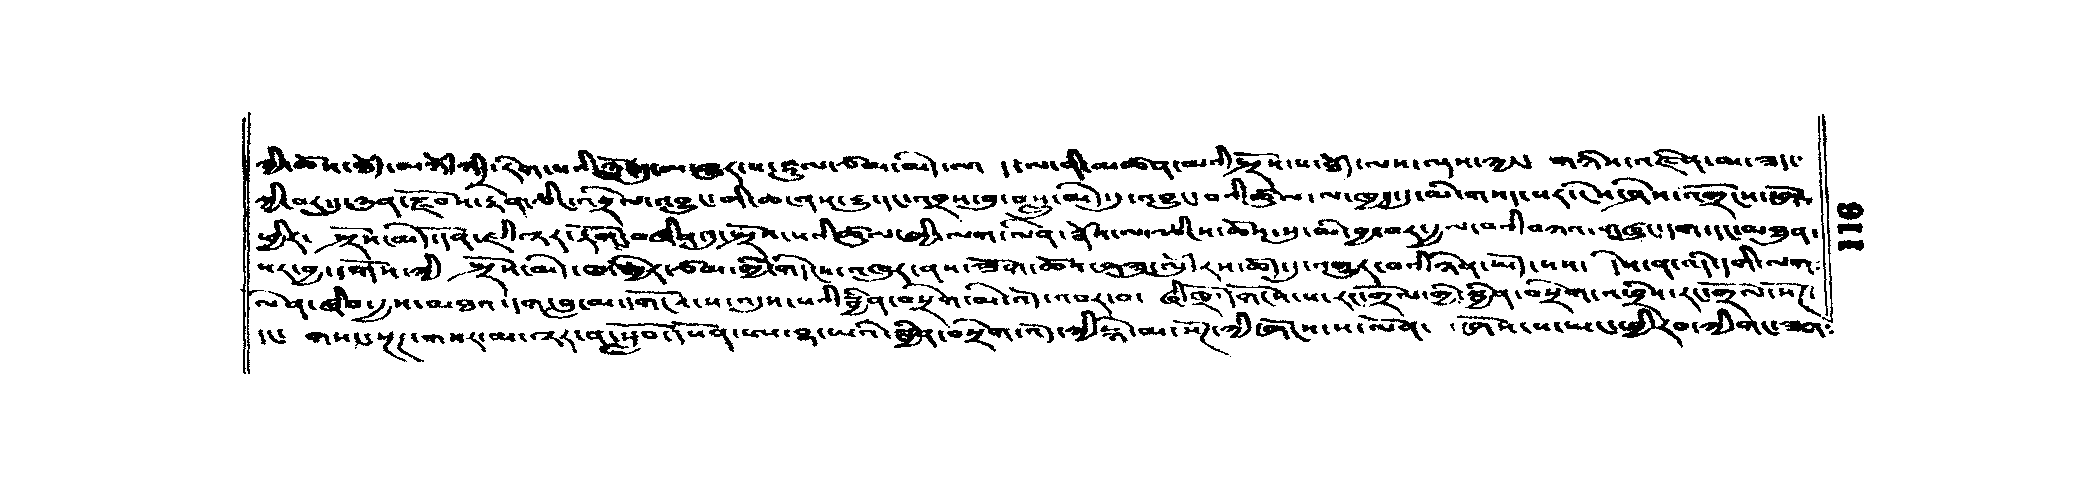ཀྱི་ཆོས་ཐམས་ཅད་མཉམ་ཉིད་རིག་པའི་ཀློང་དུ་མ་གྱུར་པ་རྡུལ་ཙམ་མེད་པ། དེ་ལ་ནི་མཚན་མའི་སྤྲོས་པ་ཐམས་ཅད་ལས་འདས་ཀྱང་། གཉིས་འཛིན་མ་ཟད་
ཀྱི་བར་དུ་ཀུན་ལརྫོབ་རྟེན་ཅིང་འབྲེལ་འབྱུང་གི་ཆ་ནས་རྒྱུ་དང་འབྲས་བུ་བསླུ་མེད་དུ་འབྱུང་བའི་ཚུལ་ལ་ཁྱད་དུ་མི་གསད་པར་ངེས་ཤེས་འདྲོངས་དགོས་
ཕྱིར། སྤྲོས་མེད་དོན་ཇི་ལྟར་རྟོགས་བཞིན་དུ་སྤྲོས་པའི་ཚུལ་གྱི་ལག་ལེན་རྣམས་ལ་རྩིངས་ཆོས་སུ་མི་བྱ་བར་རྒྱལ་བའི་བཀའ་གཞུང་དག་དང་མཐུན་
པར་བྱ་དགོས་ཀྱི། སྤྲོས་མེད་ཁ་ཁྱེར་ཙམ་གྱི་གདེངས་འཁུར་ནས་ཟོག་ཆོས་གཟུ་ལུམ་རས་ཆོད་དུ་འགྱུར་བའི་ཉེན་ཡོད་པས། དེས་ན་འདི་དག་གི་ལག་
ལེན་ཞིབ་རྒྱས་མཐའ་དག་བླ་མ་དགོངས་པ་འདུས་པའི་སྦྱིན་སྲེག་མེ་འོད་འབར་བ། ཞི་ཁྲོ་དགོངས་པ་རང་གྲོལ་གྱི་སྦྱིན་སྲེག་འཕྲིན་ལས་རང་གྲོལ་སོགས་
དང་། གསང་སྔགས་གསར་མ་ལྟར་ན་སློབ་དཔོན་ཨ་བྷ་ཡའི་སྦྱིན་སྲེག་འོད་ཀྱི་སྙེ་མ་སོགས་ཀྱི་དགོངས་པ་ལོན། དགོས་པ་ཡང་ཕྱི་རབས་ཀྱི་གང་ཟག་